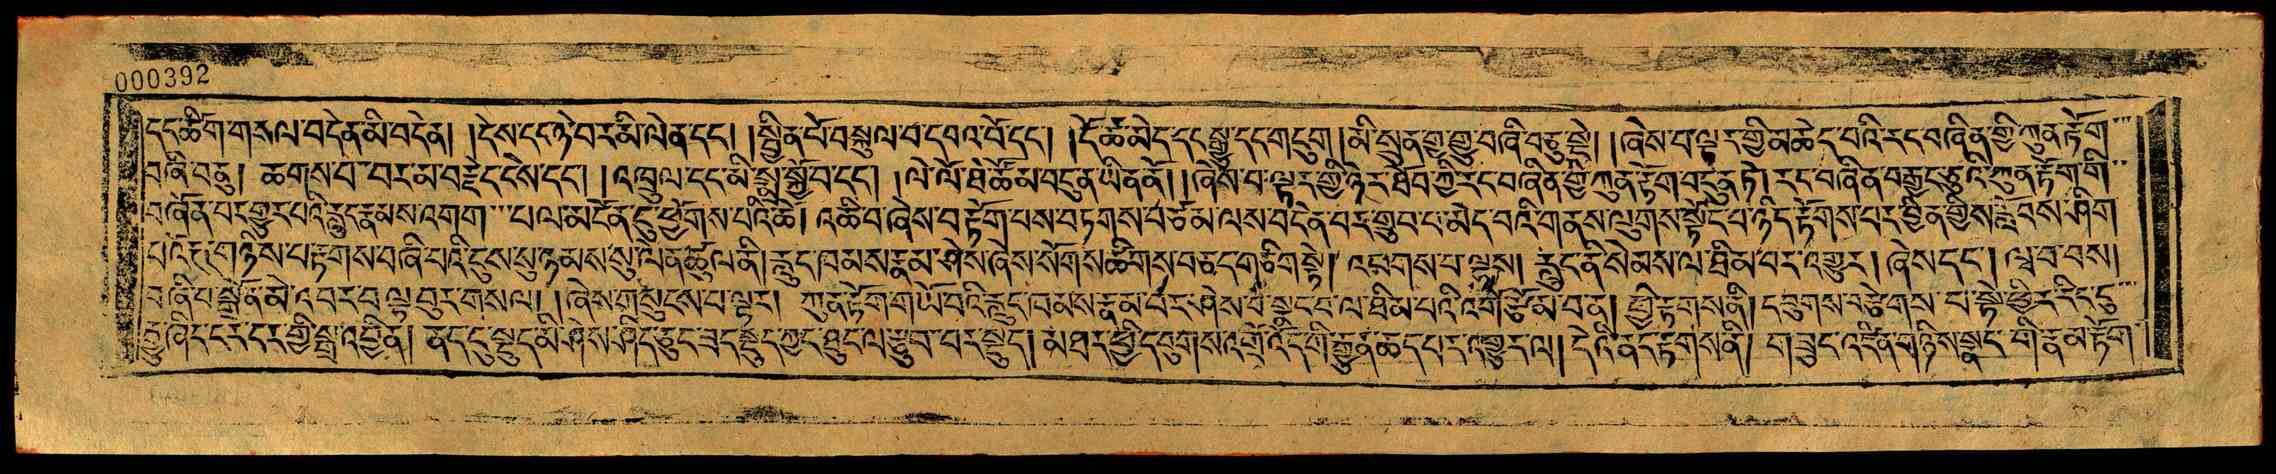དང་ཚིག་གསལ་བདེན་མི་བདེན། །ངེས་དང་ཉེ་བར་མི་ལེན་དང་། །སྦྱིན་པོ་བསྐུལ་བ་དཔའ་བོ་དང་། །ངོ་ཚ་མེད་དང་སྒྱུ་དང་གདུག །མི་སྲུན་གྱ་གྱུ་བཞི་བཅུ་སྟེ། །ཞེས་པ་ལྟར་གྱི་མཆེད་པའི་རང་བཞིན་གྱི་ཀུན་རྟོག་
བཞི་བཅུ། ཆགས་པ་བར་མ་བརྗེད་ངས་དང་། །འཁྲུལ་དང་མི་སྨ་སྐྱོ་བ་དང་། །ལེ་ལོ་ཐེ་ཚོམ་བདུན་ཡིན་ནོ། །ཞེས་པ་ལྟར་གྱི་ཉེར་ཐོབ་ཀྱི་རང་བཞིན་གྱི་ཀུན་རྟོག་བདུན་ཏེ། རང་བཞིན་བརྒྱད་ཅུའི་ཀུན་རྟོག་གི་
བཞོན་པར་གྱུར་པའི་རླུང་རྣམས་འགག་པ་ལ་མངོན་དུ་ཕྱོགས་པའི་ཚེ། འཆི་བ་ཞེས་པ་རྟོག་པས་བཏགས་པ་ཙམ་ལས་བདེན་པར་གྲུབ་པ་མེད་པའི་གནས་ལུགས་སྟོང་པ་ཉིད་རྟོགས་པར་བྱིན་གྱིས་རློབས་ཤིག་
པའོ། །གཉིས་པ་རྟགས་བཞི་གའི་དུས་སུ་ཉམས་སུ་ལེན་ཚུལ་ནི། རླུང་ཁམས་རྣམ་ཤེས་ཞེས་སོགས་ཚིགས་བཅད་གཅིག་སྟེ། འཕགས་པ་ལྷས། རླུང་ནི་སེམས་ལ་ཐིམ་པར་འགྱུར། ཞེས་དང་། ལྭ་བ་པས།
བཞི་པ་སྒྲོན་མེ་འབར་བ་ལྟ་བུར་གསལ། །ཞེས་གསུངས་པ་ལྟར། ཀུན་རྟོག་གཡོ་བའི་རླུང་ཁམས་རྣམ་པར་ཤེས་པ་སྣང་བ་ལ་ཐིམ་པའི་འགོ་རྩོམ་པ་ནི། ཕྱི་རྟགས་ནི། དབུགས་བརྩེགས་པ་སྟེ་ཕྱིར་རིང་དུ་
རྒྱུ་ཞིང་རང་རང་གི་སྒྲ་འབྱིན། ནང་དུ་སྡུད་མ་ཤེས་ཤིང་ཅུང་ཟད་སྡུད་ཀྱང་ཐུང་ལ་རྩུབ་པར་སྡུད། མཐར་ཕྱི་དབུགས་འགྲོ་འོང་གི་རྒྱུན་ཆད་པར་འགྱུར་ལ། དེའི་ནང་རྟགས་ནི། གཟུང་འཛིན་གཉིས་སྣང་གི་རྣམ་རྟོག་